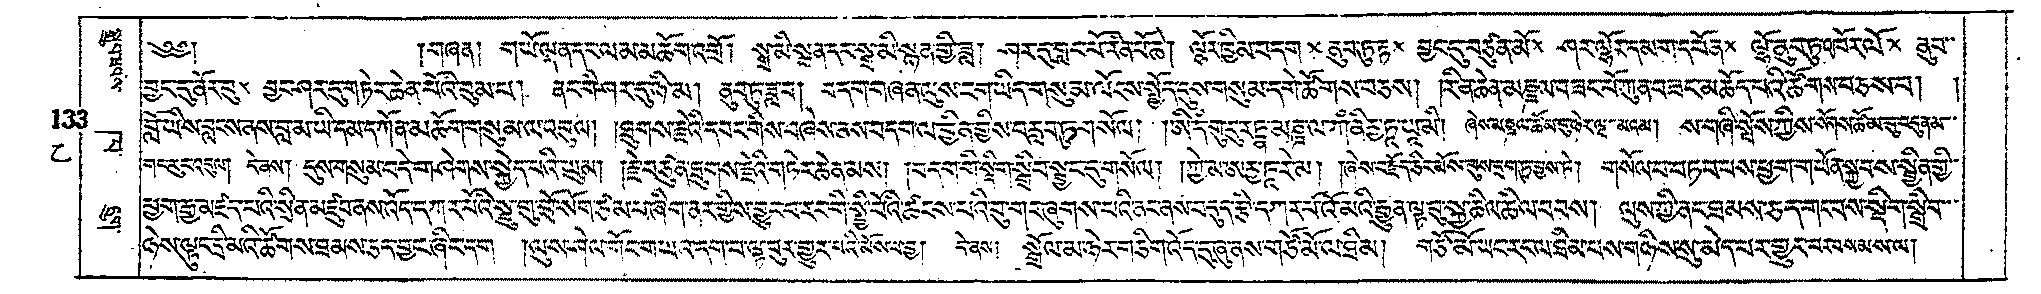༄༅། །གཞན། གཡོ་ལྡན་དང་ལམ་མཆོག་འགྲོ། སྒྲ་མི་སྙན་དང་སྒྲ་མི་སྙན་གྱི་ཟླ། ཤར་དུ་གླང་པོ་རིན་པོ་ཆེ། ལྷོར་ཁྱིམ་བདག་྾་ནུབ་ཏུ་རྟ་྾་བྱང་དུ་བཙུན་མོ་྾་ཤར་ལྷོར་དམག་དཔོན་྾་ལྷོ་ནུབ་ཏུ་འཁོར་ལོ་྾་ནུབ་་་
བྱང་དུ་ནོར་བུ་྾་བྱང་ཤར་དུ་གཏེར་ཆེན་པོའི་བུམ་པ། ནང་གི་ཤར་དུ་ཉི་མ། ནུབ་ཏུ་ཟླ་བ། བདག་གཞན་ལུས་ངག་ཡིད་གསུམ་ལོངས་སྤྱོད་དུས་གསུམ་དགེ་ཚོགས་བཅས། །རིན་ཆེན་མཎྜལ་བཟང་པོ་ཀུན་བཟང་མཆོད་པའི་ཚོགས་བཅས་པ། །
བློ་ཡིས་བླངས་ནས་བླ་མ་ཡི་དམ་དཀོན་མཆོག་གསུམ་ལ་འབུལ། །ཐུགས་རྗེའི་དབང་གིས་བཞེས་ནས་བདག་ལ་བྱིན་གྱིས་བརླབ་ཏུ་གསོལ། །ཨི་དཾ་གུ་རུ་རཏྣ་མཎྜ་ལ་ཀཾ་ནིརྱ་ཏཱ་ཡཱ་མི། ཞེས་མཎྜལ་ཚོམ་བུ་ཉེར་ལྔ་མཱམ།  ས་གཞི་སྤོས་ཀྱིས་སོགས་ཚོམ་བུ་བདུན་མ་་་
གང་རུང་འབུལ། དེ་ནས། དུས་གསུམ་བདེ་གཤེགས་སྐྱེད་པའི་ཡུམ། །རྗེ་བཙུན་ཐུགས་རྗེའི་གཏེར་ཆེན་མས། །བདག་གི་སྡིག་སྒྲིབ་སྦྱང་དུ་གསོལ། །ཀྱེ་མ་ཨརྱ་ཏཱ་རེ་མ། །ཞེས་བརྗོད་ཅིང་མོས་གུས་དྲག་ཏུ་བྱས་ཏེ།  གསོལ་བ་བཏབ་པས་ཕྱག་གཡོན་སྐྱབས་སྦྱིན་གྱི་་་
ཕྱག་རྒྱ་མཛད་པའི་སྲིན་མཛུབ་ནས་འོད་དཀར་པོའི་སྦུ་གུ་གྲོ་སོག་ཙམ་པ་ཞིག་ནར་གྱིས་བྱུང་བ་རང་གི་སྤྱི་བོའི་ཚངས་བའི་བུ་གར་ཞུགས་པའི་ནང་ནས་བདུད་རྩི་དཀར་པོའོ་མའི་རྒྱུན་ལྟ་བུ་སྐྱ་ཆིལ་ཆིལ་བབས། ལུས་ཀྱི་ནང་ཐམས་ཅད་གང་བས་སྡིག་སྒྲིབ་་་
ཉེས་ལྟུང་དྲི་མའི་ཚོགས་ཐམས་ཅད་བྱང་ཞིང་དག །ལུས་ཤེལ་གོང་གཡའ་དག་པ་ལྟ་བུར་གྱུར་པའི་མོས་པ་བྱ། དེ་ནས།  སྒྲོལ་མ་ཉེར་གཅིག་འོད་དུ་ཞུ་ནས་གཙོ་མོ་ལ་ཐིམ། གཙོ་མོ་ཡང་རང་ལ་ཐིམ་པས་གཉིས་སུ་མེད་པར་གྱུར་པར་བསམས་ལ།